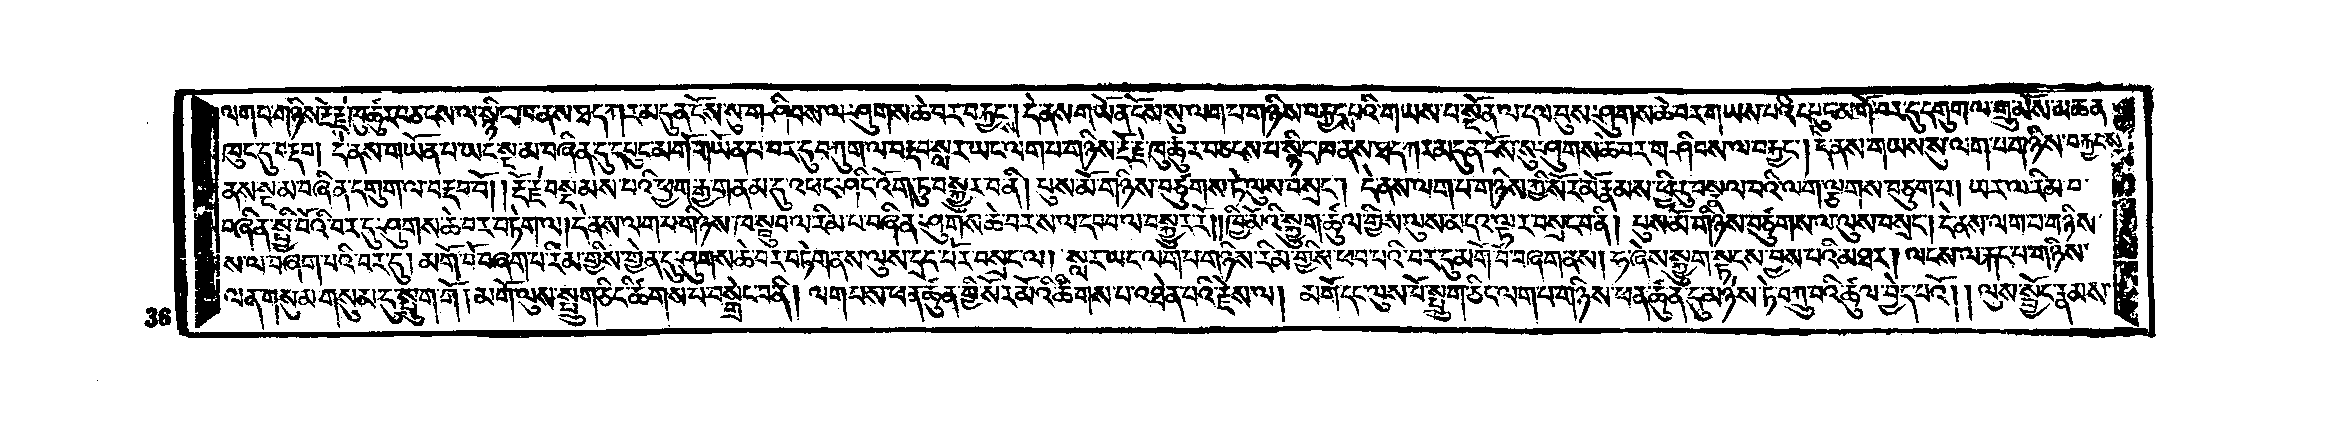ལག་པ་གཉིས་རྡོ་རྗེ་ཁུ་ཚུར་བཅངས་ལ་སྙིང་ཁ་ནས་ཐད་ཀར་མདུན་ངོས་སུ་གཤིབས་ལ་ཤུགས་ཆེ་བར་བརྐྱངས། དེ་ནས་གཡོན་ངོས་སུ་ལག་པ་གཉིས་བརྐྱངས་པའི་གཡས་པ་སྔོན་ལ་དལ་བུས་ཤུགས་ཆེ་བར་གཡས་པའི་དཔུང་མགོ་བར་དུ་དགུག་ལ་གྲུ་མོས་མཚན་
ཁུང་དུ་བརྡབ། དེ་ནས་གཡོན་པ་ཡང་སྔ་མ་བཞིན་དུ་དཔུང་མགོ་གཡོན་པ་བར་དུ་བཀུག་ལ་བརྡབ་སླར་ཡང་ལག་པ་གཉིས་རྡོ་རྗེ་ཁུ་ཚུར་བཅངས་པ་སྙིང་ཁ་ནས་ཐད་ཀར་མདུན་ངོས་སུ་ཤུགས་ཆེ་བར་གཤིབས་ལ་བརྐྱང་། དེ་ནས་གཡས་སུ་ལག་པ་གཉིས་བརྐྱངས་
ནས་སྔ་མ་བཞིན་དགུག་ལ་བརྡབ་བོ། །རྡོ་རྗེ་བསྡམས་པའི་ཕྱག་རྒྱ་གནམ་དུ་འཕང་ཤིང་འོག་ཏུ་བསྐྱུར་བ་ནི། པུས་མོ་གཉིས་བཙུགས་ཏེ་ལུས་བསྲང་། དེ་ནས་ལག་པ་གཉིས་ཀྱི་སོར་མོ་རྣམས་ཕྱི་རུ་བསྣལ་བའི་ལག་ལྕགས་བཅུག་པ། ཡར་ལ་རིམ་པ་
བཞིན་སྤྱི་བོའི་བར་དུ་ཤུགས་ཆེ་བར་བཏེག་ལ། དེ་ནས་ལག་པ་གཉིས་ཁ་སྦུབ་ལ་རིམ་པ་བཞིན་ཤུགས་ཆེ་བར་ས་ལ་དབབ་ལ་བསྐྱུར་རོ། །ཁྱི་མོའི་སྐྱུག་ཚུལ་གྱིས་ལུས་མདའ་ལྟར་བསྲང་བ་ནི། པུས་མོ་གཉིས་བཙུགས་ལ་ལུས་བསྲང་། དེ་ནས་ལག་པ་གཉིས་
ས་ལ་བཞག་པའི་བར་དུ། མགོ་བོ་བཞག་པ་རིམ་གྱིས་གྱེན་དུ་ཤུགས་ཆེ་བར་བཏེག་ནས་ལུས་དྲང་པོར་བསྲང་ལ། སླར་ཡང་ལག་པ་གཉིས་རིམ་གྱིས་ཕབ་པའི་བར་དུ་མགོ་བོ་བཞག་ནས། ཧ་ཞེས་སྐྱུག་སྟེངས་བྱས་པའི་མཐར། ལངས་ལ་རྐང་པ་གཉིས་
ལན་གསུམ་གསུམ་དུ་སྤྲུག་གོ། མགོ་ལུས་སྤྲུག་ཅིང་ཚིགས་པ་བསྒྲེང་བ་ནི། ལག་པས་ཕན་ཚུན་གྱི་སོར་མོའི་ཚིགས་པ་འཐེན་པའི་རྗེས་ལ། མགོ་དང་ལུས་པོ་སྤྲུག་ཅིང་ལག་པ་གཉིས་ཕན་ཚུན་དུ་མཉེས་ཏེ་བཀྲུ་བའི་ཚུལ་བྱེད་པའོ། །ལུས་སྦྱོང་རྣམས་